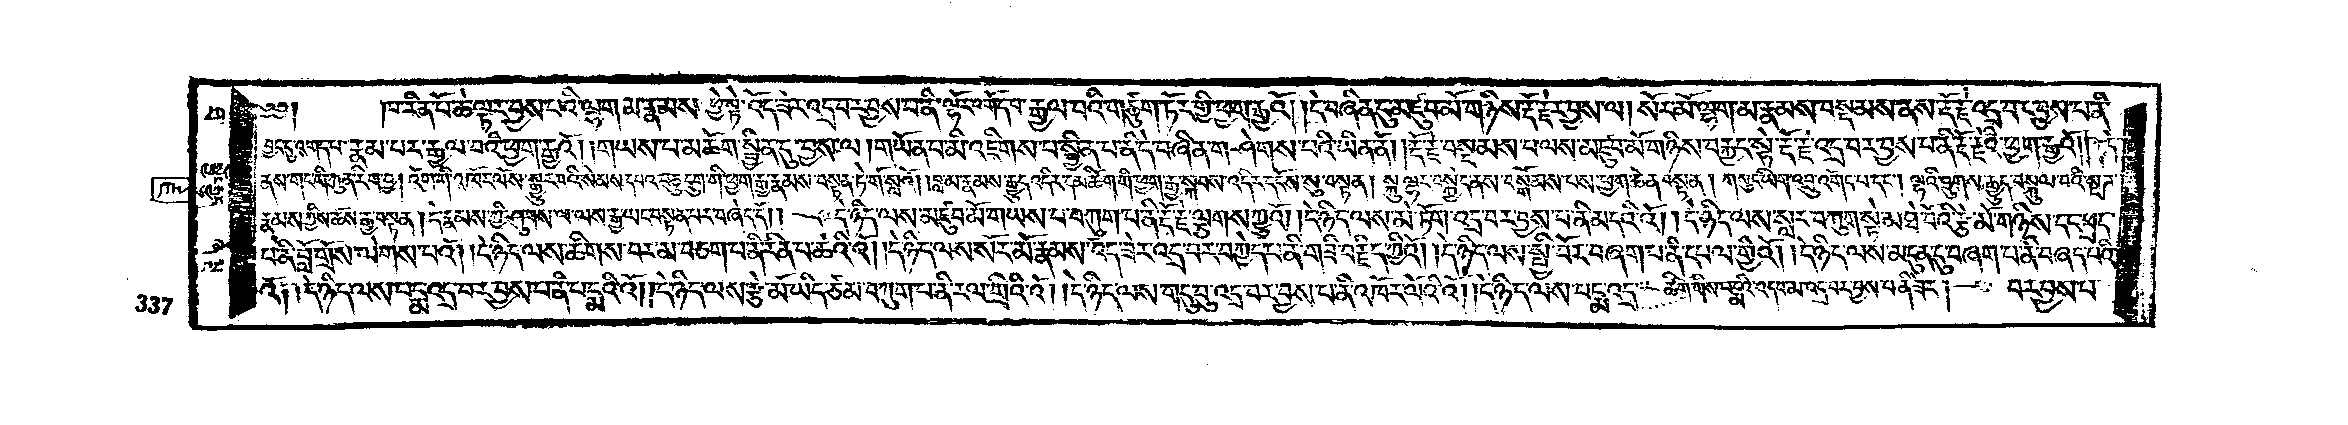༄༅། །པ་རིན་པོ་ཆེ་ལྟར་བྱས་པའི་ལྷག་མ་རྣམས་ཕྱེ་སྟེ་འོད་ཟེར་འདྲ་བར་བྱས་པ་ནི་ལྷོར་འགོད་པ་རྒྱལ་བའི་གཙུག་ཏོར་གྱི་ཕྱག་རྒྱའོ། །དེ་བཞིན་དུ་མཛུབ་མོ་གཉིས་རྡོ་རྗེར་བྱས་ལ། སོར་མོ་ལྷག་མ་རྣམས་བསྡམས་ནས་རྡོ་རྗེ་འདྲ་བར་བྱས་པ་ནི་
བྱང་དུ་འགོད་པ་རྣམ་པར་རྒྱལ་བའི་ཕྱག་རྒྱའོ། །གཡས་པ་མཆོག་སྦྱིན་དུ་བྱས་ལ། གཡོན་པ་མི་འཇིགས་པ་སྦྱིན་པ་ནི་དེ་བཞིན་གཤེགས་པའི་ཡིན་ནོ། །རྡོ་རྗེ་བསྡམས་པ་ལས་མཛུབ་མོ་གཉིས་བརྐྱང་སྟེ་རྡོ་རྗེ་འདྲ་བར་བྱས་པ་ནི་རྡོ་རྗེའི་ཕྱག་རྒྱའོ། །དེ་
ནས་གང་གི་ཀུན་རིག་བྱ། འོག་གི་འཁོར་ལོས་སྒྱུར་བའི་སེམས་དཔའ་བཅུ་དྲུག་གི་ཕྱག་རྒྱ་རྣམས་བསྟན་ཏེ་གོ་སླའོ། །བླ་མ་རྣམས་རྒྱུད་འདིར་དམ་ཚིག་གི་ཕྱག་རྒྱ་སྐབས་འདིར་དངོས་སུ་བསྟན། སྐུ་ལྷར་བསྐྱེད་ནས་བསྒོམས་པས་ཕྱག་ཆེན་བསྟན། གསུང་ཡག་འབྲུ་འགོད་པ་དང་། ལྷའི་ཐུགས་རྒྱུད་བསྐུལ་བའི་སྔགས་
རྣམས་ཀྱིས་ཆོས་རྒྱ་བསྟན། དེ་རྣམས་ཀྱི་ཤུགས་ལ་ལས་རྒྱ་ཡང་བསྟན་པར་བཞེད་དོ།། .H དེ་ཉིད་ལས་མཛུབ་མོ་གཡས་པ་བཀུག་པ་ནི་རྡོ་རྗེ་ལྕགས་ཀྱུའོ། །དེ་ཉིད་ལས་མེ་ཏོག་འདྲ་བར་བྱས་པ་ནི་མདའི་འོ། །དེ་ཉིད་ལས་སླར་བཀུག་སྟེ་མཐེ་བོའི་རྩེ་མོ་གཉིས་དང་ཕྲད་
པ་ནི་བློ་གྲོས་ལེགས་པའོ། །དེ་ཉིད་ལས་ཚིགས་བར་མ་བཅག་པ་ནི་རིན་པ་ཆེའི་འོ། །དེ་ཉིད་ལས་སོར་མོ་རྣམས་འོད་ཟེར་འདྲ་བར་བཀྱེད་པ་ནི་གཟི་བརྗིད་ཀྱིའོ། །དེ་ཉིད་ལས་སྤྱི་བོར་བཞག་པ་ནི་དཔལ་གྱིའོ། །དེ་ཉིད་ལས་མདུན་དུ་བཞག་པ་ནི་བཞད་པའི་
འོ། །དེ་ཉིད་ལས་པདམ་འདྲ་བར་བྱས་པ་ནི་པདམའི་འོ། །དེ་ཉིད་ལས་རྩེ་མོ་ཡིད་ཙམ་བཀུག་པ་ནི་རལ་གྲིའི་འོ། །དེ་ཉིད་ལས་གདུ་བུ་འདྲ་བར་བྱས་པ་ནི་འཁོར་ལོའི་འོ། །དེ་ཉིད་ལས་པདམ་འདྲ་ཆག་གིས་པདམའི་འདབ་མ་འདྲ་བར་བྱས་པ་ནི་ཟེར།  .H བར་བྱས་པ་